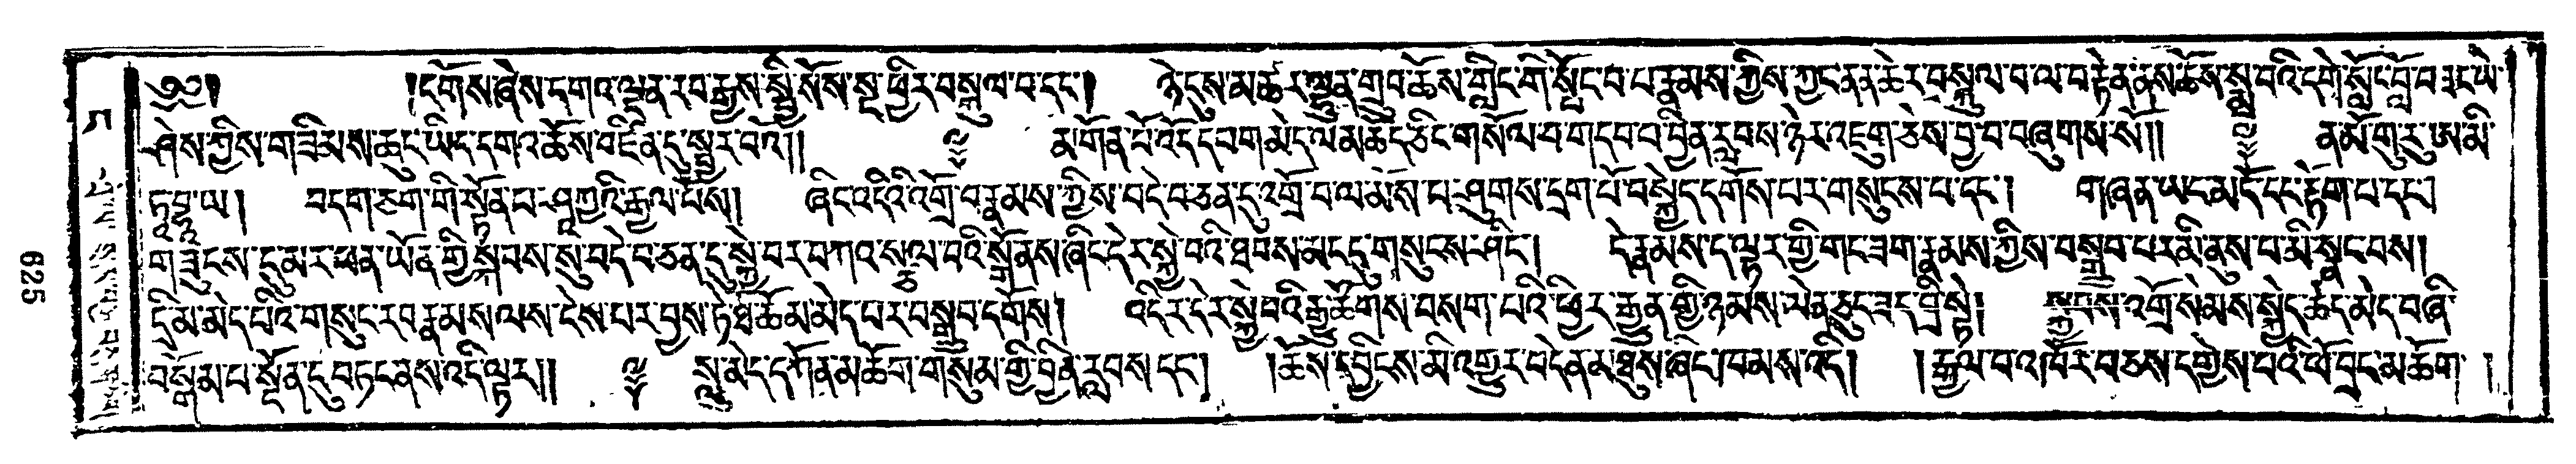༄༅། །དགོས་ཞེས་དགའ་ལྡན་རབ་རྒྱས་སྤྱི་སོས་སྔ་ཕྱིར་བསྐུལ་བ་དང་། ཉེ་དུས་མཚར་ལྷུན་གྲུབ་ཆོས་གླིང་གི་སྤོང་བ་པ་རྣམས་ཀྱིས་ཀྱང་ནན་ཆེར་བསྐུལ་བ་ལ་བརྟེན་ནས་ཆོས་སྨྲ་བའི་དགེ་སློང་བློ་བཟང་ཡེ་
ཤེས་ཀྱིས་གཟིམས་ཆུང་ཡིད་དགའ་ཆོས་འཛིན་དུ་སྦྱར་བའོ།། ༈ མགོན་པོ་འོད་དཔག་མེད་ལ་མཆོད་ཅིང་གསོལ་བ་གདབ་པ་བྱིན་རླབས་ཉེར་འཇུག་ཅེས་བྱ་བ་བཞུགས་སོ།། ༈ ན་མོ་གུ་རུ་ཨ་མི་
ཏཱ་བྷཱ་ཡ། བདག་ཅག་གི་སྟོན་པ་ཤཱཀྱའི་རྒྱལ་པོས། ཞིང་འདིའི་འགྲོ་བ་རྣམས་ཀྱིས་བདེ་བ་ཅན་དུ་འགྲོ་བ་ལ་མོས་པ་ཤུགས་དྲག་པོ་བསྐྱེད་དགོས་པར་གསུངས་པ་དང་། གཞན་ཡང་མདོ་དང་རྟོག་པ་དང་།
གཟུངས་དུ་མར་ཕན་ཡོན་གྱི་སྐབས་སུ་བདེ་བ་ཅན་དུ་སྐྱེ་བར་བཀའ་སྩལ་བའི་སྒོ་ནས་ཞིང་དེར་སྐྱེ་བའི་ཐབས་མང་དུ་གསུངས་ཤིང་། དེ་རྣམས་ད་ལྟར་གྱི་གང་ཟག་རྣམས་ཀྱིས་བསྒྲུབ་པར་མི་ནུས་པ་མི་སྣང་བས།
དྲི་མ་མེད་པའི་གསུང་རབ་རྣམས་ལས་ངེས་པར་བྱས་ཏེ་ཐེ་ཚོམ་མེད་པར་བསྒྲུབ་དགོས། འདིར་དེར་སྐྱེ་བའི་རྒྱུ་ཚོགས་བསག་པའི་ཕྱིར་རྒྱུན་གྱི་ཉམས་ལེན་ཅུང་ཟད་བྲི་སྟེ། སྐྱབས་འགྲོ་སེམས་སྐྱེད་ཆེད་མེད་བཞི་
བསྒོམ་པ་སྔོན་དུ་བཏང་ནས་འདི་ལྟར།། ༈ སླུ་མེད་དཀོན་མཆོག་གསུམ་གྱི་བྱིན་རླབས་དང་། །ཆོས་དབྱིངས་མི་འགྱུར་བདེན་མཐུས་ཞིང་ཁམས་འདི། །རྒྱལ་བ་འཁོར་བཅས་དགྱེས་པའི་ཕོ་བྲང་མཆོག །